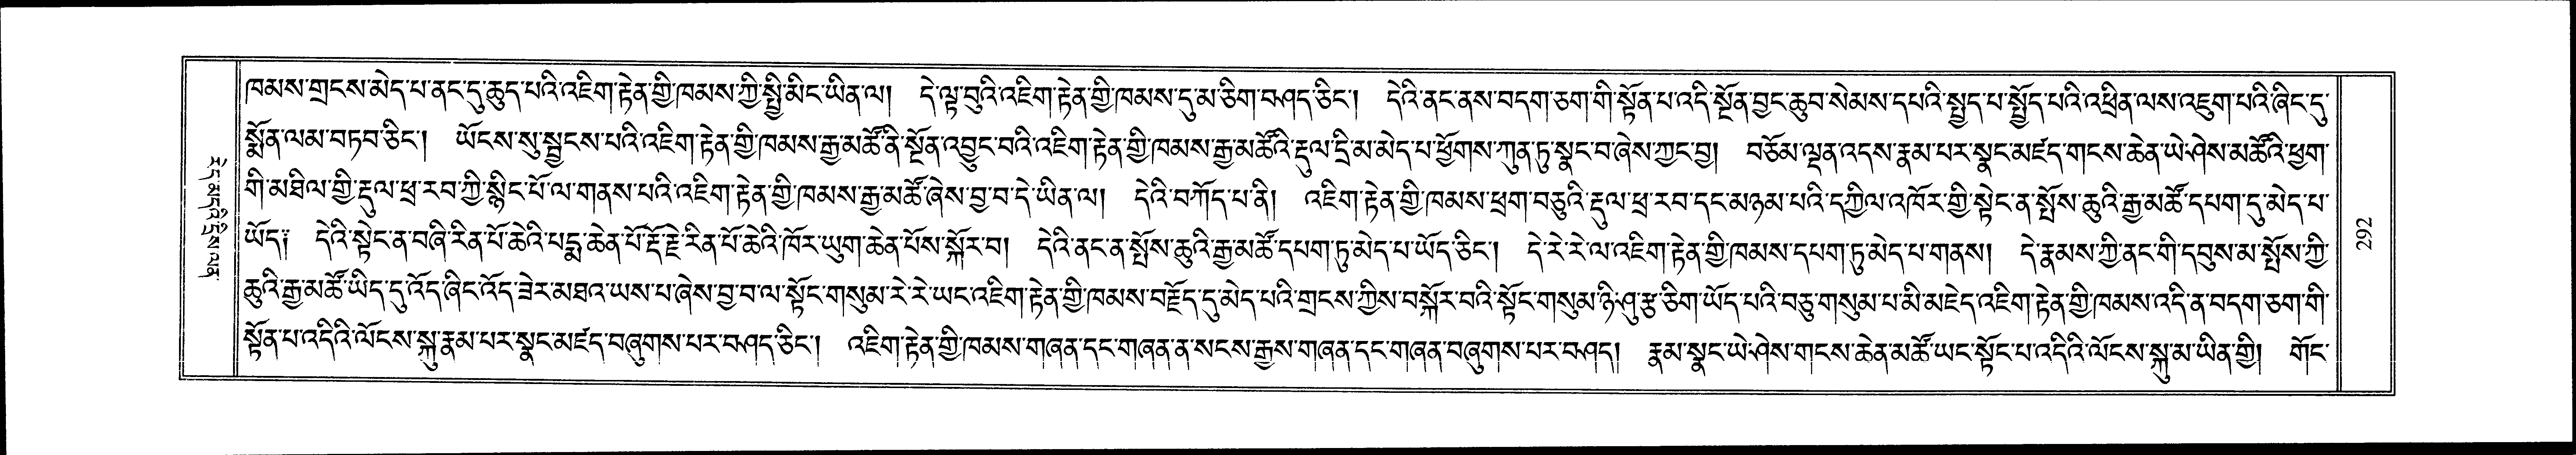ཁམས་གྲངས་མེད་པ་ནང་དུ་ཆུད་པའི་འཇིག་རྟེན་གྱི་ཁམས་ཀྱི་སྤྱི་མིང་ཡིན་ལ། དེ་ལྟ་བུའི་འཇིག་རྟེན་གྱི་ཁམས་དུ་མ་ཅིག་བཤད་ཅིང་། དེའི་ནང་ནས་བདག་ཅག་གི་སྟོན་པ་འདི་སྔོན་བྱང་ཆུབ་སེམས་དཔའི་སྤྱད་པ་སྤྱོད་པའི་འཕྲིན་ལས་འཇུག་པའི་ཞིང་དུ་
སྨོན་ལམ་བཏབ་ཅིང་། ཡོངས་སུ་སྦྱངས་པའི་འཇིག་རྟེན་གྱི་ཁམས་རྒྱ་མཚོ་ནི་སྔོན་འབྱུང་བའི་འཇིག་རྟེན་གྱི་ཁམས་རྒྱ་མཚོའི་རྡུལ་དྲི་མ་མེད་པ་ཕྱོགས་ཀུན་ཏུ་སྣང་བ་ཞེས་ཀྱང་བྱ། བཅོམ་ལྡན་འདས་རྣམ་པར་སྣང་མཛད་གངས་ཆེན་ཡེ་ཤེས་མཚོའི་ཕྱག་
གི་མཐིལ་གྱི་རྡུལ་ཕྲ་རབ་ཀྱི་སྙིང་པོ་ལ་གནས་པའི་འཇིག་རྟེན་གྱི་ཁམས་རྒྱ་མཚོ་ཞེས་བྱ་བ་དེ་ཡིན་ལ། དེའི་བཀོད་པ་ནི། འཇིག་རྟེན་གྱི་ཁམས་ཕྲག་བཅུའི་རྡུལ་ཕྲ་རབ་དང་མཉམ་པའི་དཀྱིལ་འཁོར་གྱི་སྟེང་ན་སྤོས་ཆུའི་རྒྱ་མཚོ་དཔག་དུ་མེད་པ་
ཡོད། དེའི་སྟེང་ན་བཞི་རིན་པོ་ཆེའི་པདམ་ཆེན་པོ་རྡོ་རྗེ་རིན་པོ་ཆེའི་ཁོར་ཡུག་ཆེན་པོས་སྐོར་བ། དེའི་ནང་ན་སྤོས་ཆུའི་རྒྱ་མཚོ་དཔག་ཏུ་མེད་པ་ཡོད་ཅིང་། དེ་རེ་རེ་ལ་འཇིག་རྟེན་གྱི་ཁམས་དཔག་ཏུ་མེད་པ་གནས། དེ་རྣམས་ཀྱི་ནང་གི་དབུས་མ་སྤོས་ཀྱི་
ཆུའི་རྒྱ་མཚོ་ཡིད་དུ་འོད་ཞིང་འོད་ཟེར་མཐའ་ཡས་པ་ཞེས་བྱ་བ་ལ་སྟོང་གསུམ་རེ་རེ་ཡང་འཇིག་རྟེན་གྱི་ཁམས་བརྗོད་དུ་མེད་པའི་གྲངས་ཀྱིས་བསྐོར་བའི་སྟོང་གསུམ་ཉི་ཤུ་རྩ་གཅིག་ཡོད་པའི་བཅུ་གསུམ་པ་མི་མཇེད་འཇིག་རྟེན་གྱི་ཁམས་འདི་ན་བདག་ཅག་གི་
སྟོན་པ་འདིའི་ལོངས་སྐུ་རྣམ་པར་སྣང་མཛད་བཞུགས་པར་བཤད་ཅིང་། འཇིག་རྟེན་གྱི་ཁམས་གཞན་དང་གཞན་ན་སངས་རྒྱས་གཞན་དང་གཞན་བཞུགས་པར་བཤད། རྣམ་སྣང་ཡེ་ཤེས་གངས་ཆེན་མཚོ་ཡང་སྟོང་པ་འདིའི་ལོངས་སྐུ་མ་ཡིན་གྱི། གོང་